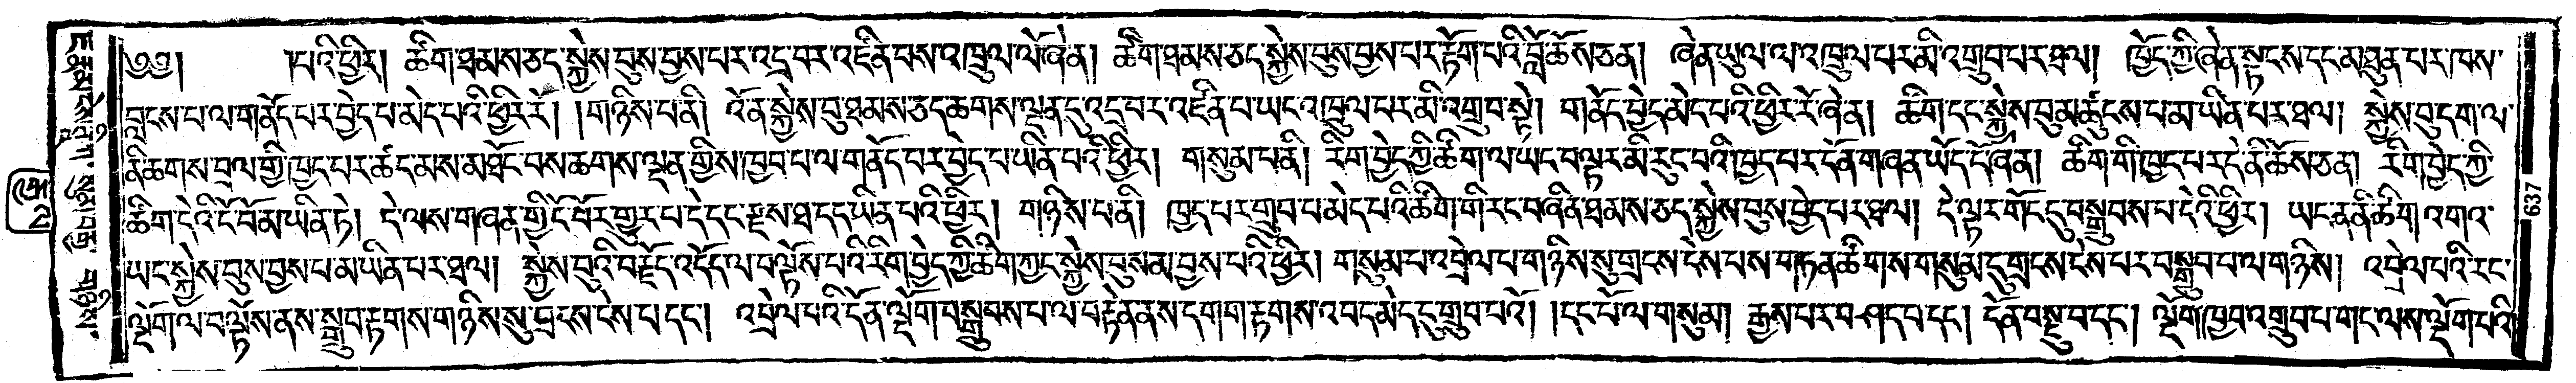༄༅། །པའི་ཕྱིར། ཚིག་ཐམས་ཅད་སྐྱེས་བུས་བྱས་པར་འདྲ་བར་འཛིན་པས་འཁྲུལ་ལོ་ཞེ་ན། ཚིག་ཐམས་ཅད་སྐྱེས་བུས་བྱས་པར་རྟོག་པའི་བློ་ཆོས་ཅན། ཞེན་ཡུལ་ལ་འཁྲུལ་པར་མི་འགྲུབ་པར་ཐལ། ཁྱོད་ཀྱི་ཞེན་སྟངས་དང་མཐུན་པར་ཁས་
བླངས་པ་ལ་གནོད་པར་བྱེད་པ་མེད་པའི་ཕྱིར་རོ། །གཉིས་པ་ནི། འོ་ན་སྐྱེས་བུ་ཐམས་ཅད་ཆགས་ལྡན་དུ་འདྲ་བར་འཛིན་པ་ཡང་འཁྲུལ་པར་མི་འགྲུབ་སྟེ། གནོད་བྱེད་མེད་པའི་ཕྱིར་རོ་ཞེ་ན། ཚིག་དང་སྐྱེས་བུ་མཚུངས་པ་མ་ཡིན་པར་ཐལ། སྐྱེས་བུ་དག་ལ་
ནི་ཆགས་བྲལ་གྱི་ཁྱད་པར་ཚད་མས་མཐོང་བས་ཆགས་ལྡན་གྱིས་ཁྱབ་པ་ལ་གནོད་པར་བྱེད་པ་ཡིན་པའི་ཕྱིར། གསུམ་པ་ནི། རིག་བྱེད་ཀྱི་ཚིག་ལ་ཡང་བལྟར་མི་རུང་བའི་ཁྱད་པར་དོན་གཞན་ཡོད་དོ་ཞེ་ན། ཚིག་གི་ཁྱད་པར་དེ་ནི་ཆོས་ཅན། རིག་བྱེད་ཀྱི་
ཚིག་དེའི་ངོ་བོ་མ་ཡིན་ཏེ། དེ་ལས་གཞན་གྱི་ངོ་བོར་གྱུར་པ་དེ་དང་རྫས་ཐ་དད་ཡིན་པའི་ཕྱིར། གཉིས་པ་ནི། ཁྱད་པར་གྲུབ་པ་མེད་པའི་ཚིག་གི་རང་བཞིན་ཐམས་ཅད་སྐྱེས་བུས་བྱེད་པར་ཐལ། དེ་ལྟར་གོང་དུ་བསྒྲུབས་པ་དེའི་ཕྱིར། ཡང་ན་ནི་ཚིག་འགའ་
ཡང་སྐྱེས་བུས་བྱས་པ་མ་ཡིན་པར་ཐལ། སྐྱེས་བུའི་བརྗོད་འདོད་ལ་བལྟོས་པའི་རིག་བྱེད་ཀྱི་ཚིག་ཀྱང་སྐྱེས་བུས་མ་བྱས་པའི་ཕྱིར། གསུམ་པ་འབྲེལ་པ་གཉིས་སུ་གྲངས་ངེས་པས་གཏན་ཚིགས་གསུམ་དུ་གྲངས་ངེས་པར་བསྒྲུབ་པ་ལ་གཉིས། འབྲེལ་པའི་རང་
ལྡོག་ལ་བལྟོས་ནས་སྒྲུབ་རྟགས་གཉིས་སུ་གྲངས་ངེས་པ་དང་། འབྲེལ་པའི་དོན་ལྡོག་བསྒྲུབས་པ་ལ་བརྟེན་ནས་དགག་རྟགས་འབད་མེད་དུ་གྲུབ་པའོ། །དང་པོ་ལ་གསུམ། རྒྱས་པར་བཤད་པ་དང་། དོན་བསྡུ་བ་དང་། ལྡོག་ཁྱབ་འགྲུབ་པ་གང་ལས་ལྡོག་པའི་